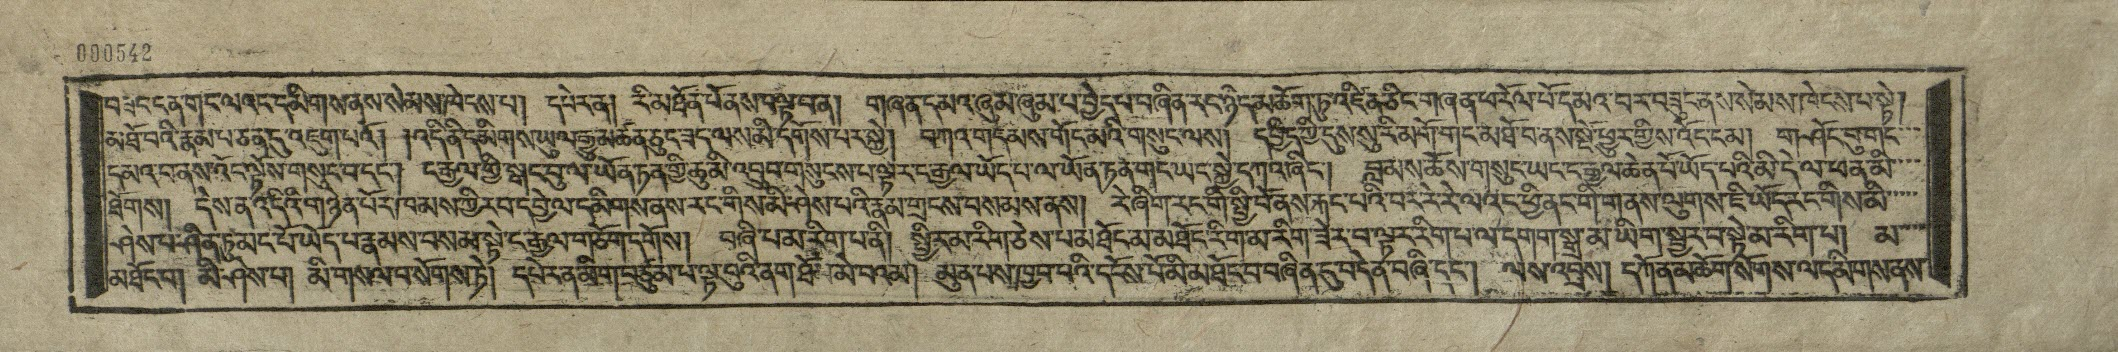བཟང་ངན་གང་ལའང་དམིགས་ནས་སེམས་ཁེངས་པ། དཔེར་ན། རི་མཐོན་པོ་ནས་བལྟ་བ་ན། གཞན་དམའ་ཞུམ་ཞུམ་པ་བྱེད་པ་བཞིན་རང་ཉིད་མཆོག་ཏུ་འཛིན་ཅིང་གཞན་ཕ་རོལ་པོ་དམའ་བར་བཟུང་ནས་སེམས་ཁེངས་པ་སྟེ།
མཐོ་བའི་རྣམ་པ་ཅན་དུ་འཇུག་པའོ། །འདི་ནི་དམིགས་ཡུལ་རྒྱུ་མཚན་ཅུང་ཟད་ལས་མི་དགོས་པར་སྐྱེ། བཀའ་གདམས་གོང་མའི་གསུངས་ལས། དཔྱིད་ཀྱི་དུས་སུ་རི་མགོ་གང་མཐོ་བ་ནས་སྔོ་ཕྱུར་གྱིས་འོང་ངམ། གཤོང་བུ་གང་
དམའ་བ་ནས་འོང་ལྟོས་གསུང་བ་དང་། ང་རྒྱལ་གྱི་སྒང་བུ་ལ་ཡོན་ཏན་གྱི་ཆུ་མི་འབྲུབ་གསུངས་པ་ལྟར་ང་རྒྱལ་ཡོད་པ་ལ་ཡོན་ཏན་གང་ཡང་སྐྱེ་དཀའ་ཞིང་། བླ་མས་ཆོས་གསུང་ཡང་ང་རྒྱལ་ཆེན་པོ་ཡོད་པའི་མི་དེ་ལ་ཕན་མི་
ཐོགས། དེས་ན་འདིའི་གཉེན་པོར་ཁམས་ཀྱི་རབ་དབྱེ་ལ་དམིགས་ནས་རང་གིས་མི་ཤེས་པའི་རྣམ་གྲངས་བསམས་ནས། རེ་ཞིག་རང་གི་སྤྱི་བོ་ནས་རྐང་པའི་བར་རེ་རེ་ལའང་ཕྱི་ནང་གི་གནས་ལུགས་ཇི་ཡོད་རང་གིས་མི་
ཤེས་པ་ཤིན་ཏུ་མང་པོ་ཡོད་པ་རྣམས་བསམ་སྟེ་ང་རྒྱལ་གཅོག་དགོས། བཞི་པ་མ་རིག་པ་ནི། སྤྱིར་མ་རིག་ཅེས་པ་མཐོང་མ་མཐོང་རིག་མ་རིག་ཟེར་བ་ལྟར་རིག་པ་ལ་དགག་སྒྲ་མ་རིག་སྦྱར་བ་སྟེ་མ་རིག་པ། མ་
མཐོང་བ། མི་ཤེས་པ། མི་གསལ་བ་སོགས་ཏེ། དཔེར་ན་མིག་བཙུམ་པ་ལྟ་བུའི་ནག་ཐོམ་མེ་བའམ། མུན་པས་ཁྱབ་པའི་དངོས་པོ་མི་མཐོང་བ་བཞིན་དུ་བདེན་བཞི་དང་། ལས་འབྲས། དཀོན་མཆོག་སོགས་ལ་དམིགས་ནས་